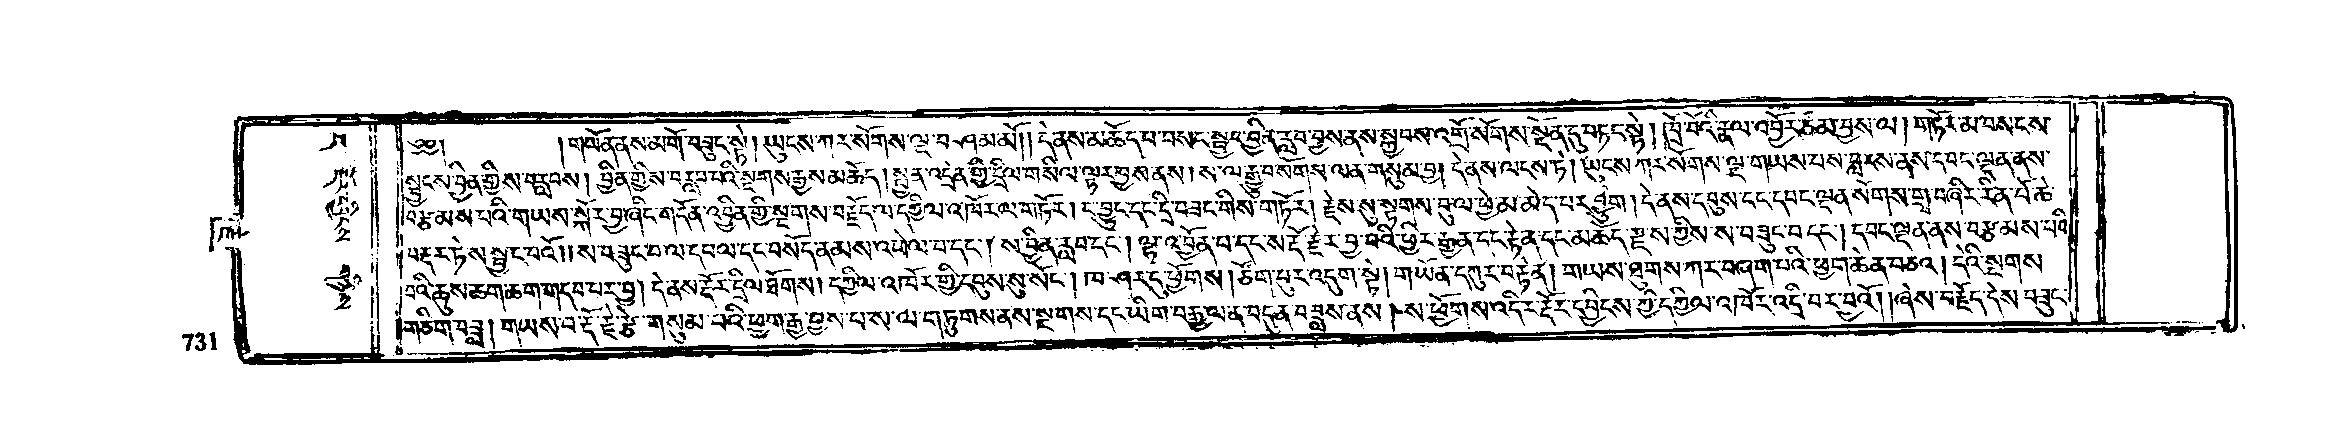༄༅། །གཡོན་ནས་མགོ་བཟུང་སྟེ། ཡུངས་ཀར་སོགས་ལྔ་བཤམ་མོ། །དེ་ནས་མཆོད་པ་བསང་སྦྱང་བྱིན་རླབ་བྱས་ནས་སྐྱབས་འགྲོ་སོགས་སྔོན་དུ་བཏང་སྟེ། ཁྲོ་བོའི་རྣལ་འབྱོར་ཙམ་བྱས་ལ། གཏོར་མ་བསངས་
སྦྱངས་བྱིན་གྱིས་བརླབས། བྱིན་གྱིས་བརླབ་པའི་སྔགས་རྒྱས་མཆོད། སྤྱན་འདྲེན་གྱི་དྲིལ་གསིལ་ལྟར་བྱས་ནས། ས་ལ་རྒྱུ་བ་སོགས་ལན་གསུམ་བྱ། དེ་ནས་ལངས་ཏེ། ཡུངས་ཀར་སོགས་ལྔ་གཡས་པས་བླངས་ནས་དབང་ལྡན་ནས་
བརྩམས་པའི་གཡས་སྐོར་བྱ་ཞིང་གདོན་འབྱིན་གྱི་སྔགས་བརྗོད་ལ་དཀྱིལ་འཁོར་ལ་གཏོར། ང་བྱུང་དང་དྲི་བཟང་གིས་གཏོར། རྗེས་སུ་སྟགས་བུ་ལ་ཕྱེ་མ་མེད་པར་བྱུག །དེ་ནས་དབུས་དང་དབང་ལྡན་སོགས་གྲྭ་བཞིར་རིན་པོ་ཆེ་
བརྡར་ཏེས་སྦྱང་པའོ། །ས་བཟུང་བ་ལ་དཔལ་དང་བསོད་ནམས་འཕེལ་བ་དང་། ས་བྱིན་རླབ་དང་། ལྷ་འབྱོན་པ་དང་ས་རྡོ་རྗེར་བྱ་བའི་ཕྱིར་རྒྱན་དང་རྟེན་དང་མཆོད་རྫས་ཀྱིས་ས་བཟུང་བ་དང་། དབང་ལྡན་ནས་བརྩམས་པའི་
བའི་ཆུས་ཆག་ཆག་གདབ་པར་བྱ། དེ་ནས་རྡོར་དྲིལ་ཐོགས། དཀྱིལ་འཁོར་གྱི་དབུས་སུ་སོང་། ཁ་ཤར་དུ་ཕྱོགས། ཙོག་པུར་འདུག་སྟེ། གཡོན་དཀུར་བརྟེན། གཡས་ཐུགས་ཀར་བཞག་པའི་ཕྱག་ཆེན་བཅའ། དེའི་སྤགས་
གཅིག་བཟླ། གཡས་བ་རྡོ་རྗེ་རྩེ་གསུམ་པའི་ཕྱག་རྒྱ་བྱས་པ་ས་ལ་གཏུགས་ནས་སྔགས་དང་ཡིག་བརྒྱ་ལན་བདུན་བཟླས་ནས། ས་ཕྱོགས་འདིར་རྡོར་དབྱིངས་ཀྱི་དཀྱིལ་འཁོར་འདྲི་བར་བྱའོ། །ཞེས་བརྗོད་དེས་བཟུང་